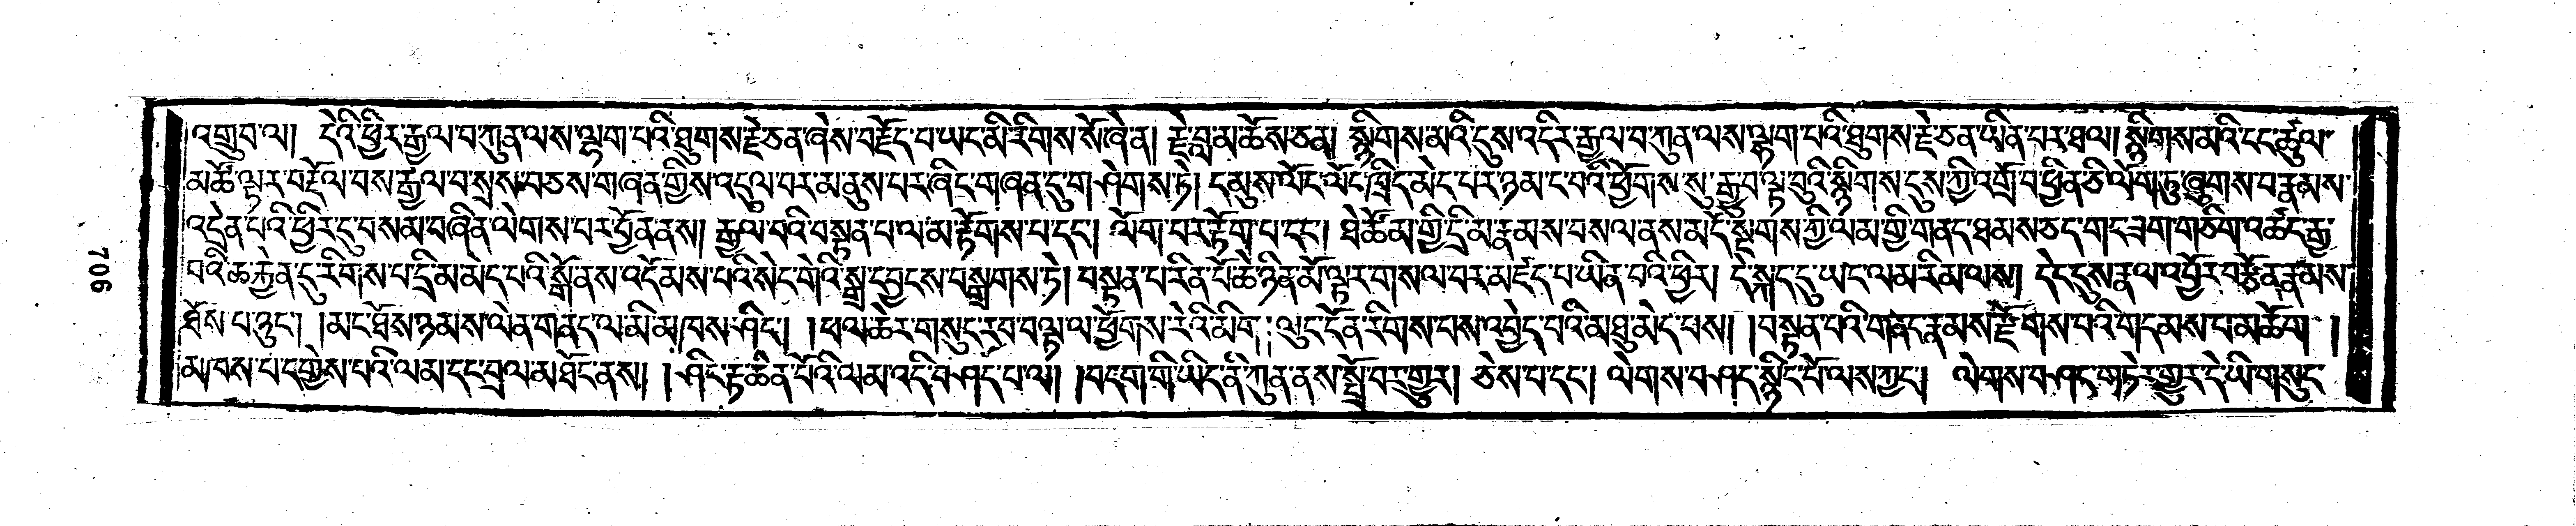འགྲུབ་ལ། དེའི་ཕྱིར་རྒྱལ་བ་ཀུན་ལས་ལྷག་པའི་ཐུགས་རྗེ་ཅན་ཞེས་བརྗོད་པ་ཡང་མི་རིགས་སོ་ཞེ་ན། རྗེ་བླ་མ་ཆོས་ཅན། སྙིགས་མའི་དུས་འདིར་རྒྱལ་བ་ཀུན་ལས་ལྷག་པའི་ཐུགས་རྗེ་ཅན་ཡིན་པར་ཐལ། སྙིགས་མའི་ངང་ཚུལ་
མཚོ་ལྟར་བརྡོལ་བས་རྒྱལ་བ་སྲས་བཅས་གཞན་གྱིས་འདུལ་བར་མ་ནུས་པར་ཞིང་གཞན་དུ་གཤེགས་ཏེ། དམུས་ལོང་ལོང་ཁྲིད་མེད་པར་ཉམ་ང་བའི་ཕྱོགས་སུ་རྒྱུ་བ་ལྟ་བུའི་སྙིགས་དུས་ཀྱི་འགྲོ་བ་ཕྱིན་ཅི་ལོག་ཏུ་ཞུགས་པ་རྣམས་
འདྲེན་པའི་ཕྱིར་དུ་བསམ་བཞིན་ལེགས་པར་བྱོན་ནས། རྒྱལ་བའི་བསྟན་པ་ལ་མ་རྟོགས་པ་དང་། ལོག་པར་རྟོག་པ་དང་། ཐེ་ཚོམ་གྱི་དྲི་མ་རྣམས་བསལ་ནས་མདོ་སྔགས་ཀྱི་ལམ་གྱི་གནད་ཐམས་ཅད་གང་ཟག་གཅིག་འཚང་རྒྱ་
བའི་ཆ་རྐྱེན་དུ་རིགས་པ་དྲི་མ་མེད་པའི་སྒོ་ནས་འདོམས་པའི་སེང་གེའི་སྒྲ་དབྱངས་བསྒྲགས་ཏེ། བསྟན་པ་རིན་པོ་ཆེ་ཉིན་མོ་ལྟར་གསལ་བར་མཛད་པ་ཡིན་པའི་ཕྱིར། དེ་སྐད་དུ་ཡང་ལམ་རིམ་ལས། དེང་དུས་རྣལ་འབྱོར་བརྩོ་རྣམས་
ཐོས་པ་ཉུང་། །མང་ཐོས་ཉམས་ལེན་གནད་ལ་མི་མཁས་ཤིང་། །ཕལ་ཆེར་གསུང་རབ་བལྟ་ལ་ཕྱོགས་རེའི་མིག །ལུང་དོན་རིགས་པས་འབྱེད་པའི་མཐུ་མེད་པས། །བསྟན་པའི་གནད་རྣམས་རྫོགས་པའི་གདམས་པ་མཆོག །
མཁས་པ་དགྱེས་པའི་ལམ་དང་བྲལ་མཐོང་ནས། །ཤིང་རྟ་ཆེན་པོའི་ལམ་འདི་བཤད་པ་ལ། །བདག་གི་ཡིད་ནི་ཀུན་ནས་སྤྲོ་བར་གྱུར། ཅེས་པ་དང་། ལེགས་བཤད་སྙིང་པོ་ལས་ཀྱང་། ལེགས་བཤད་གཏེར་གྱུར་དེ་ཡི་གསུང་